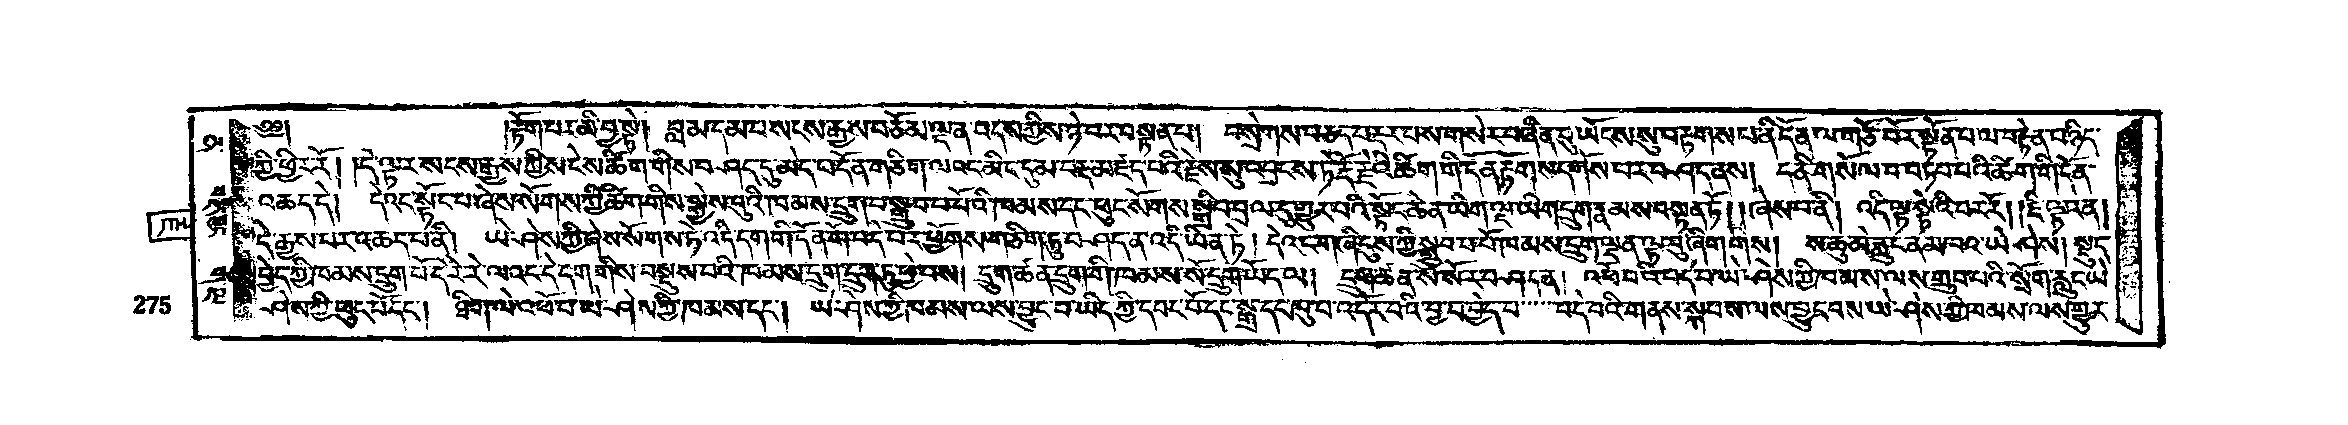༄༅། །རྟོག་པར་མི་བྱ་སྟེ། བླ་མ་དམ་པ་སངས་རྒྱས་བཅོམ་ལྡན་འདས་ཀྱིས་ཉེ་བར་བསྟན་པ། བསྲེགས་བཅད་བརྡར་པས་གསེར་བཞིན་དུ་ཡོངས་སུ་བརྟགས་པ་ནི་དོན་ལ་གཙོ་བོར་སྟོན་པ་ལ་བརྟེན་པ་ཉིད་
ཀྱི་ཕྱིར་རོ། །དེ་ལྟར་སངས་རྒྱས་ཀྱིས་ངེས་ཚིག་གིས་བཤད་དུ་མེད་པ་དོན་གཅིག་ལའང་མིང་དུ་མ་བརྡ་མཛད་པའི་རྗེས་སུ་འབྲངས་ཏེ་རྡོ་རྗེའི་ཚིག་གི་དོན་རྟོགས་དགོས་པར་བཤད་ནས། ད་ནི་གསོལ་བ་བཏབ་པའི་ཚིག་གི་དོན་
འཆད་དེ། དེའང་སྟོང་པ་ཞེས་སོགས་ཀྱི་ཚིག་གིས་སྐྱེས་བུའི་ཁམས་དྲུག་པ་སྒྲུབ་པ་པོའི་ཁམས་དང་ཕུང་སོགས་སྒྲིབ་བྲལ་དུ་གྱུར་པའི་སྟོང་ཆེན་ཡིག་ལྔ་ཡིག་དྲུག་རྣམས་བསྟན་ཏོ། །ཞེས་པ་ནི། འདི་ལྟ་སྟེའི་བར་རོ། །ཇི་ལྟར་ན།
དེ་རྒྱས་པར་འཆད་པ་ནི། ཡེ་ཤེས་ཀྱི་ཞེས་སོགས་ཏེ་འདི་དག་གི་དོན་གོ་བདེ་བར་ཕྱོགས་གཅིག་ཏུ་བཤད་ན་འདི་ཡིན་ཏེ། དེའང་གཞི་དུས་ཀྱི་སྒྲུབ་པ་པོ་ཁམས་དྲུག་ལྡན་ལྟ་བུ་ཞིག་གིས། ས་ཆུ་མེ་རླུང་ནམ་མཁའ་ཡེ་ཤེས། སྡུད་
བྱེད་ཀྱི་ཁམས་དྲུག་པོ་དེ་རེ་རེ་ལའང་དེ་དག་གིས་བསྡུས་པའི་ཁམས་དྲུག་དྲུག་ཏུ་ཕྱེ་བས། དྲུག་ཚད་དྲུག་གི་ཁམས་སོ་དྲུག་ཡོད་ལ། དྲུག་ཚན་སོ་སོར་བཤད་ན། འཕོ་བའི་བདེ་བ་ཡེ་ཤེས་ཀྱི་ཁམས་ལས་གྲུབ་པའི་སྲོག་རླུང་ཡེ་
ཤེས་ཀྱི་ཕུང་པོ་དང་། ཐིག་ལེ་འཕོ་བ་ཡེ་ཤེས་ཀྱི་ཁམས་དང་། ཡེ་ཤེས་ཀྱི་ཁམས་ལས་བྱུང་བ་ཡིད་ཀྱི་དབང་པོ་དང་སྒྲ་དང་ཁུ་བ་འདོར་བའི་བྱ་བ་བྱེད་པ་བདེ་བའི་གནས་སྐབས་ལས་བྱུང་བས་ཡེ་ཤེས་ཀྱི་ཁམས་ལས་གྱུར་